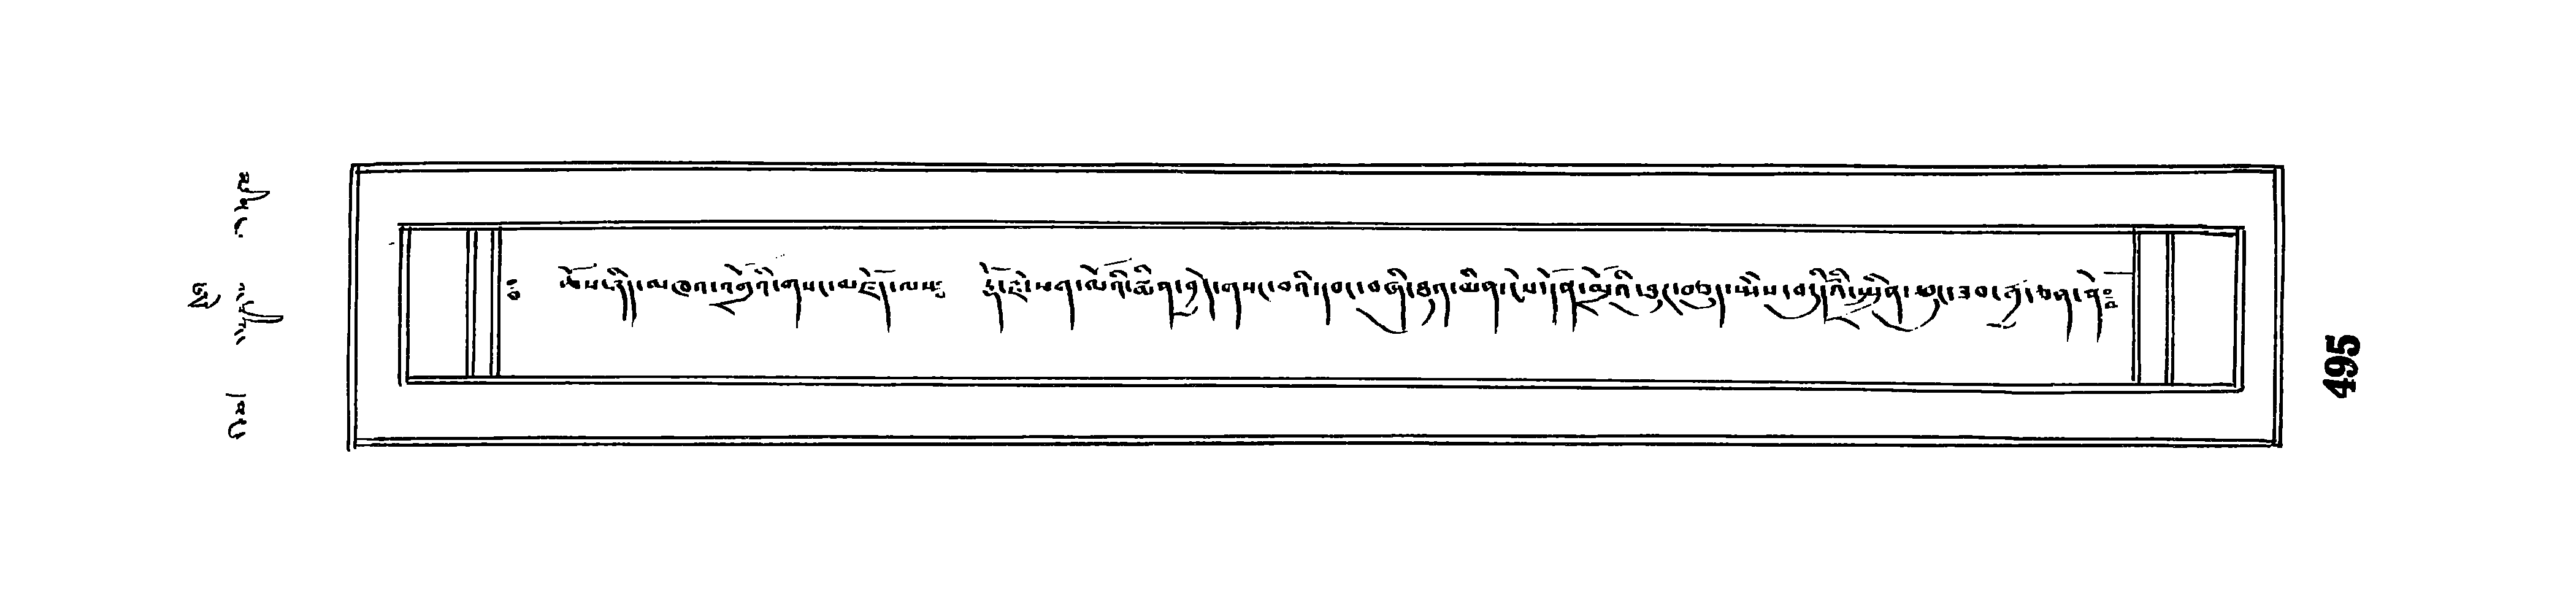ཆོས་ཉིད་མཁའ་འགྲོའི་གསང་མཛོད་ལས༔ རྡོ་རྗེ་ཕག་མོའི་སྨིན་བྱེད་གསང་བའི་དབང་བཞི་ཐུན་མིན་ངེས་དོན་མཁའ་འགྲོའི་ཐུགས་ཆུད་ཡེ་ཤེས་བདུད་རྩིའི་སྤྲིན་ཕུང་ཟབ་རྒྱ་ཅན་ནོ༔